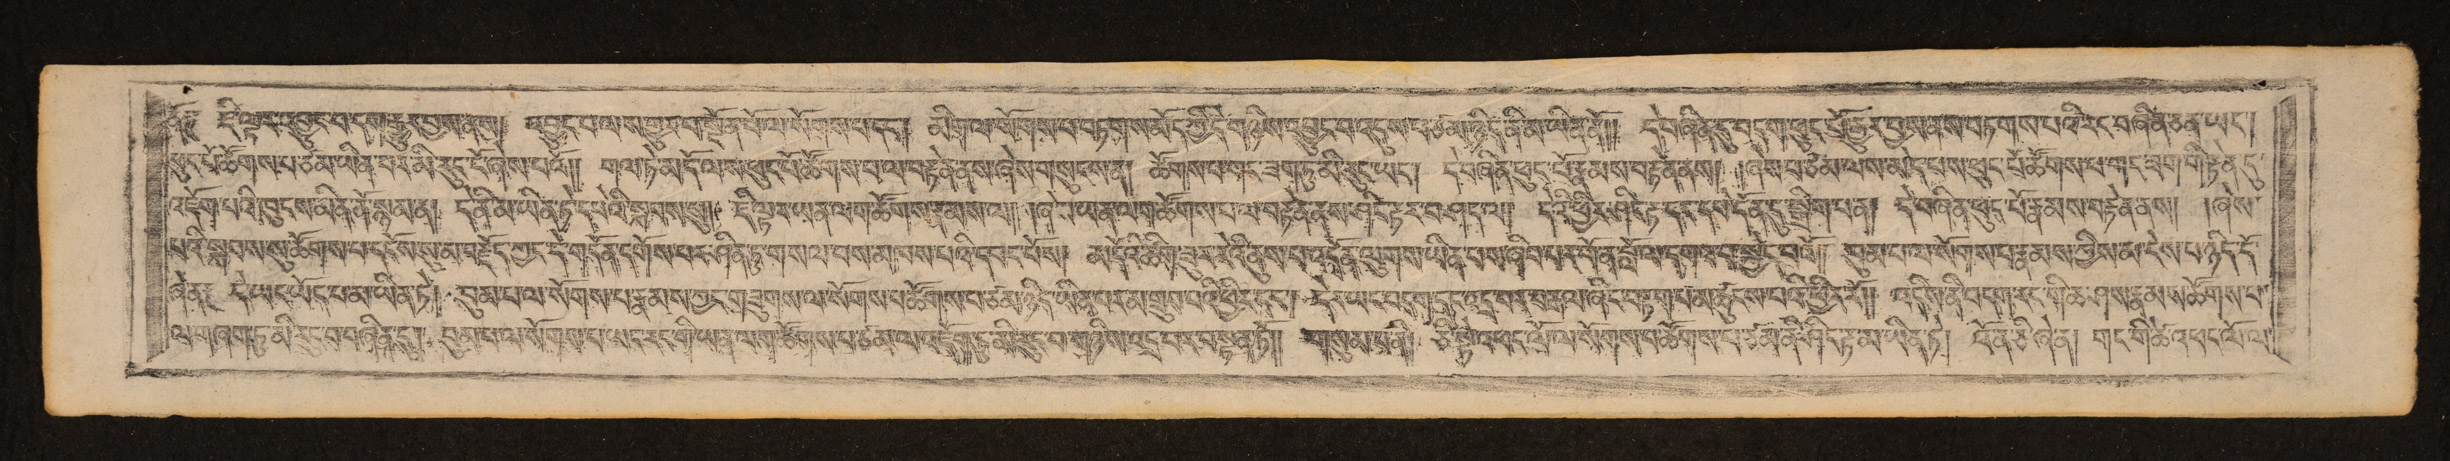ནོ༑༑ ཇི་ལྟར་འབྱུང་བ་དག་རྒྱུར་བྱས་ནས། འབྱུང་བ་ལས་གྱུར་པ་སྔོན་པོ་ལ་སོགས་པ་དང་། མིག་ལ་སོགས་པ་བཏགས་མོད་ཀྱི་དེ་གཉིས་འབྱུང་བ་འདུས་པ་ཙམ་ཉིད་ནི་མ་ཡིན་ནོ།། དེ་བཞིན་དུ་བདག་ཕུང་པོ་རྒྱུར་བྱས་ནས་བཏགས་པའི་རང་བཞིན་ཅན་ཡང་།
ཕུང་པོ་ཚོགས་པ་ཙམ་ཡིན་པར་མི་རུང་ངོ་ཞེས་པའོ།། གལ་ཏེ་མདོ་ལས་ཕུང་པོ་ཚོགས་པ་ལ་བརྟེན་ནས་ཞེས་གསུངས་ན། ཚོགས་པ་གང་ཟག་ཏུ་མི་རུང་ཡང་། དེ་བཞིན་ཕུང་པོ་རྣམས་བརྟེན་ནས། །ཞེས་པ་ཙམ་ལས་མེད་པས་ཕུང་པོ་ཚོགས་པ་གང་ཟག་གི་རྟེན་དུ་
འཇོག་པའི་ཁུངས་མིན་ནོ་སྙམ་ན། དེ་ནི་མ་ཡིན་ཏེ་དཔེའི་སྐབས་སུ། ཇི་ལྟར་ཡན་ལག་ཚོགས་རྣམས་ལ། །ཞེས་ཡན་ལག་ཚོགས་པ་ལ་བརྟེན་ནས་ཤིང་རྟར་བཤད་ལ། དེའི་ཕྱིར་ཤིང་རྟ་དང་དཔེ་དོན་དུ་སྒྲིག་པ་ན། དེ་བཞིན་ཕུང་པོ་རྣམས་བརྟེན་ནས། །ཞེས་
པའི་སྐབས་སུ་ཚོགས་པ་དངོས་སུ་མ་བརྗོད་ཀྱང་དེ་འདོན་དགོས་པར་ཤིན་ཏུ་གསལ་བས་མཁས་པའི་དབང་པོས། མདོའི་ཚིག་ཟུར་རེའི་ནུས་པ་འདོན་ལུགས་ཡིན་པས་ཞིབ་པར་གོ་ན་བློ་ལ་དགའ་བ་སྐྱེད་པའོ།། བུམ་པ་ལ་སོགས་པ་རྣམས་ཀྱིས་མ་ངེས་པ་ཉིད་དོ་
ཞེ་ན༑ དེ་ཡང་ཡོད་པ་མ་ཡིན་ཏེ། བུམ་པ་ལ་སོགས་པ་རྣམས་ཀྱང་གཟུགས་ལ་སོགས་པ་ཚོགས་པ་ཙམ་ཉིད་ཡིན་པར་མ་གྲུབ་པའི་ཕྱིར་དང་། དེར་ཡང་བདག་དང་འདྲ་བར་བརྒལ་ཞིང་བརྟག་པ་མཚུངས་པའི་ཕྱིར་རོ།། འདིས་ནི་བདག་རང་གི་ཆ་ཤས་རྣམས་ཚོགས་པ་
ལ་གཞག་ཏུ་མི་རུང་བ་བཞིན་དུ། བུམ་པ་ལ་སོགས་པ་ཡང་རང་གི་ཡན་ལག་ཚོགས་པ་ཙམ་ལ་འཇོག་ཏུ་མི་རུང་བ་གཉིས་འདྲ་བར་བསྟན་ཏོ།། གསུམ་པ་ནི། ཅི་སྟེ་འཕང་ལོ་ལ་སོགས་པ་ཚོགས་པ་ཙམ་ནི་ཤིང་རྟ་མ་ཡིན་ཏེ། འོ་ན་ཅི་ཞེ་ན། གང་གི་ཚེ་འཕང་ལོ་ལ་